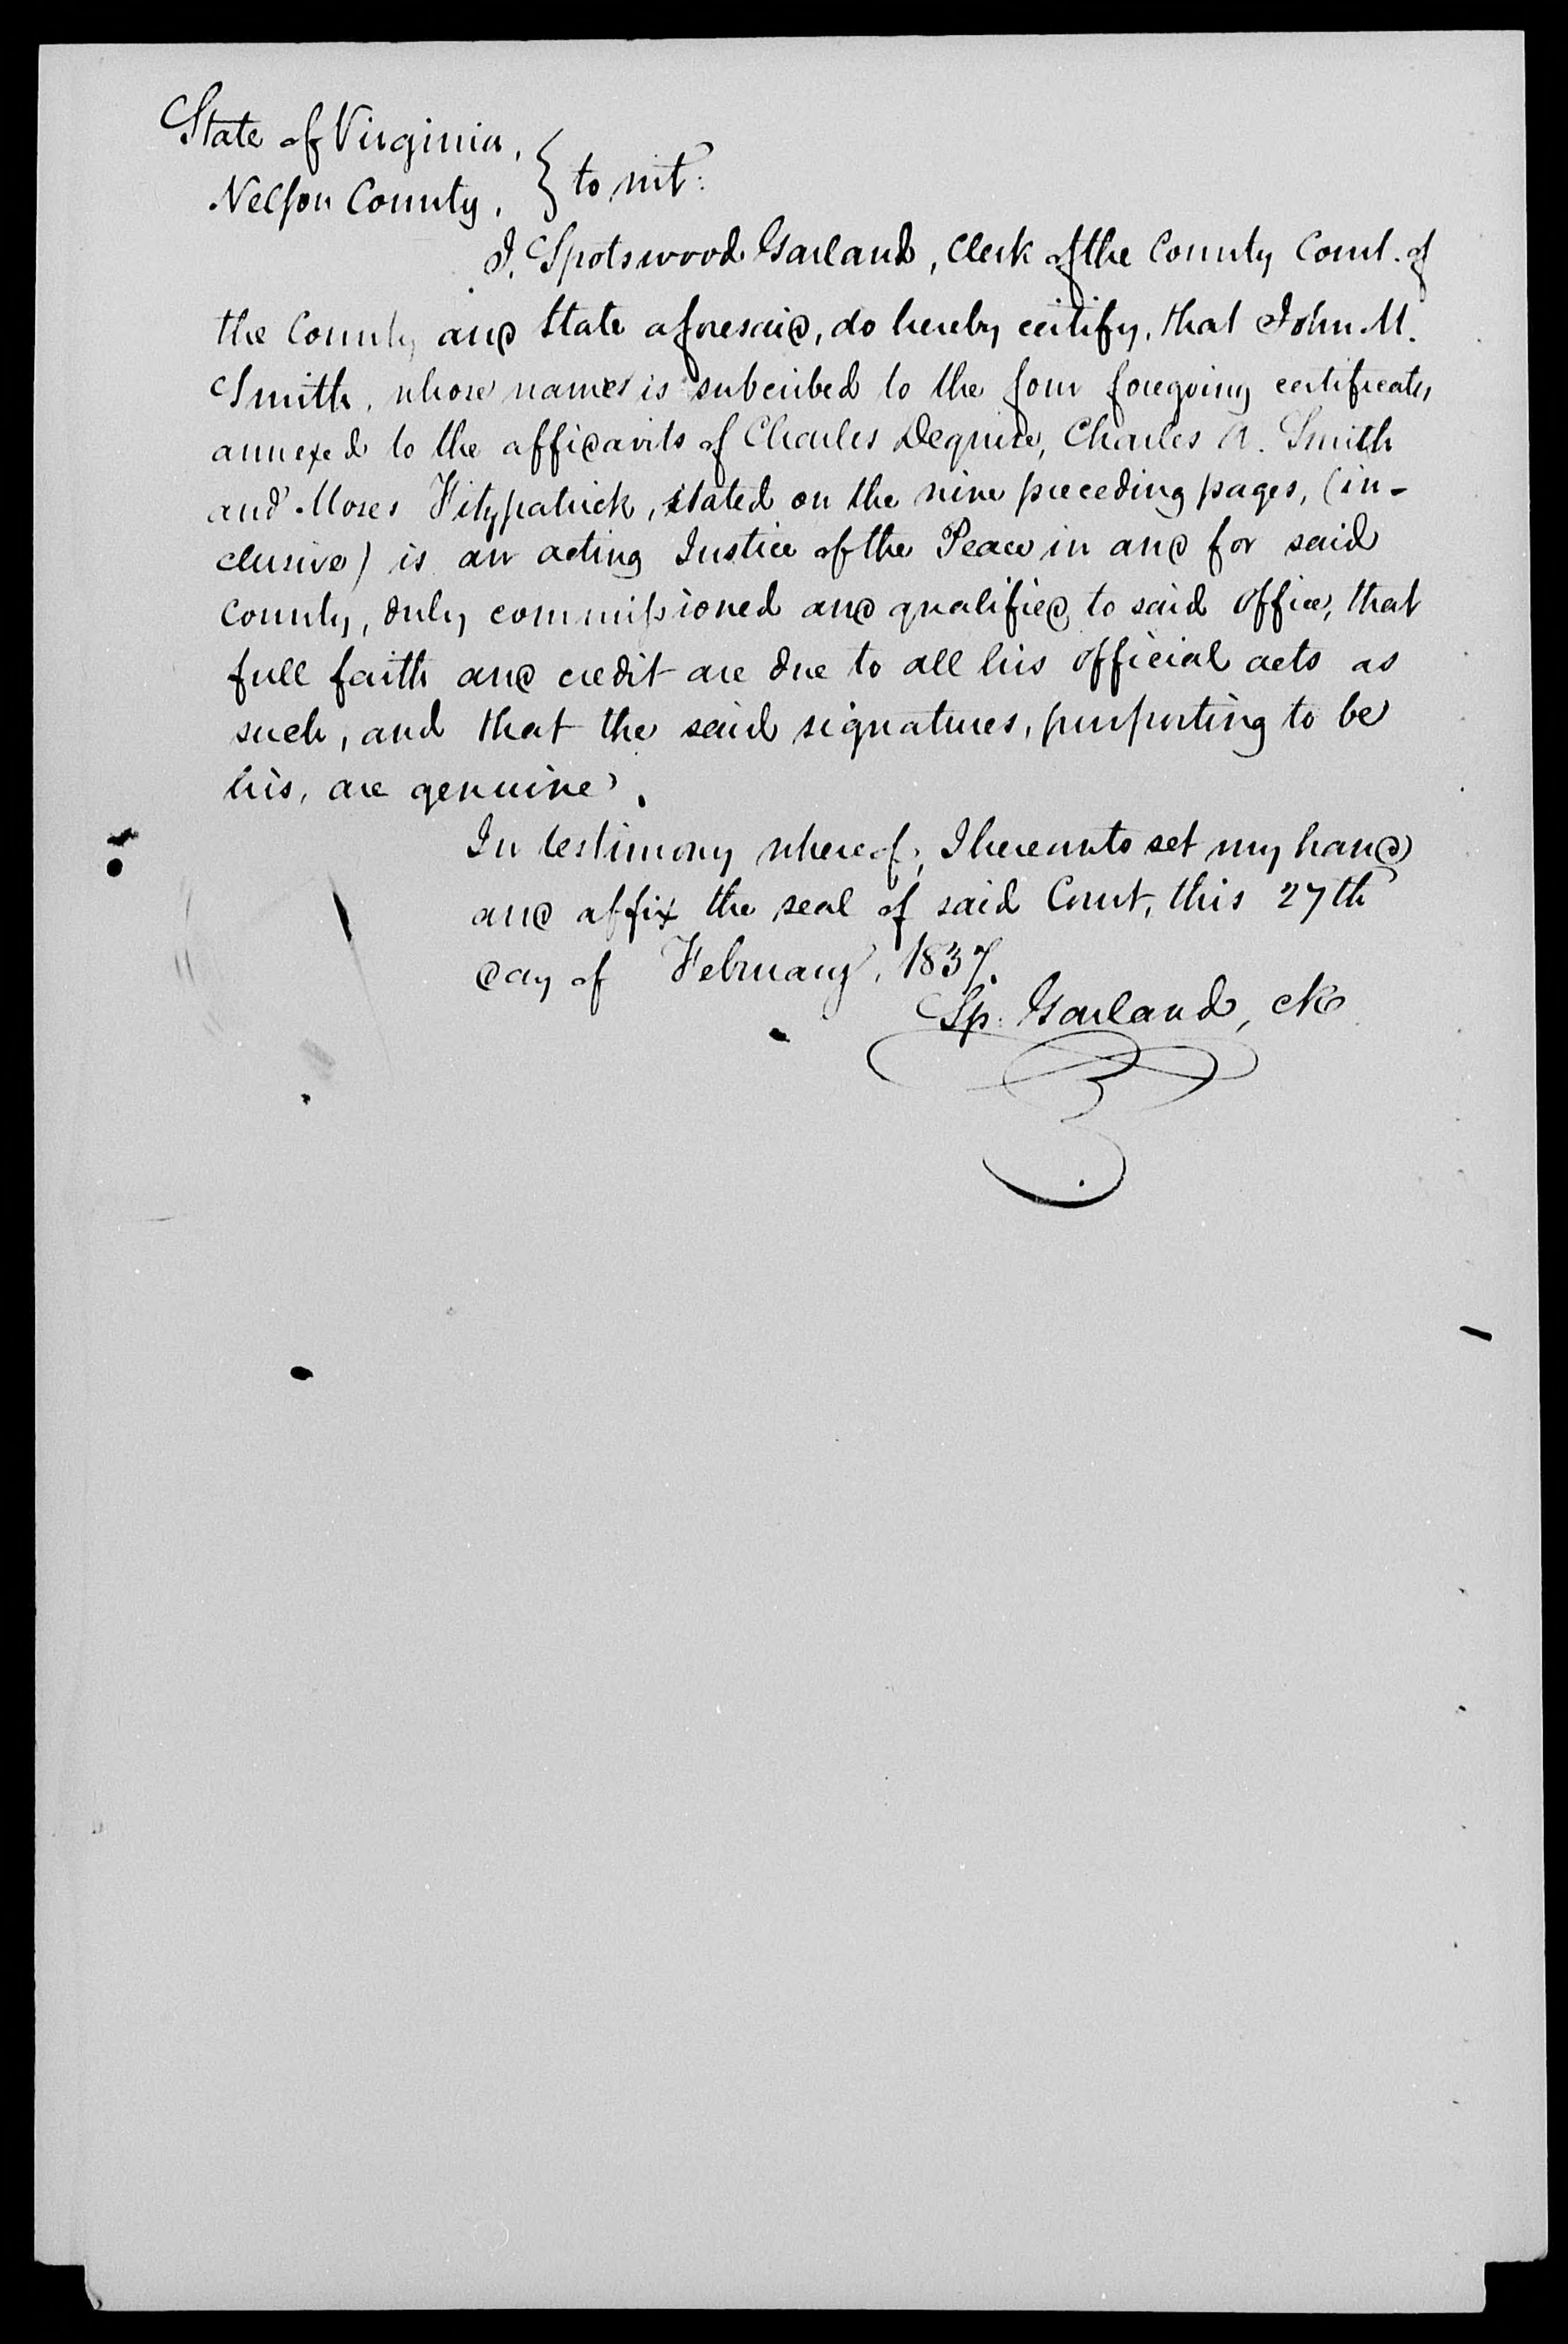State of Virginia     }
Nelson County,       } to wit?

I Spotswood Garland, Clerk of the County Court of the County and State aforesaid, do hereby certify, that John M. Smith, whose name is subscribed to the four foregoing certificates annexed to the affidavits of Charles Dequise, Charles A. Smith and Moses Fitzpatrick, stated on the nine preceding pages, (inclusive) is an acting Justice of the Peace in and for said County, duly commissioned and qualified to said office, that full faith and credit are due to all his official acts as such, and that the said signatures, purporting to be his, are genuine.
In testimony whereof, I hereunto set my hand and affix the seal of said Court, this 27th day of February 1837.
Sp. Garland, clk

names: Charles A Smith, Sp Garland, Charles Dequise, John M Smith, Spotswood Garland, Moses Fitzpatrick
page: 16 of 21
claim: rejected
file: R. 2,896, Charles Duzua, French